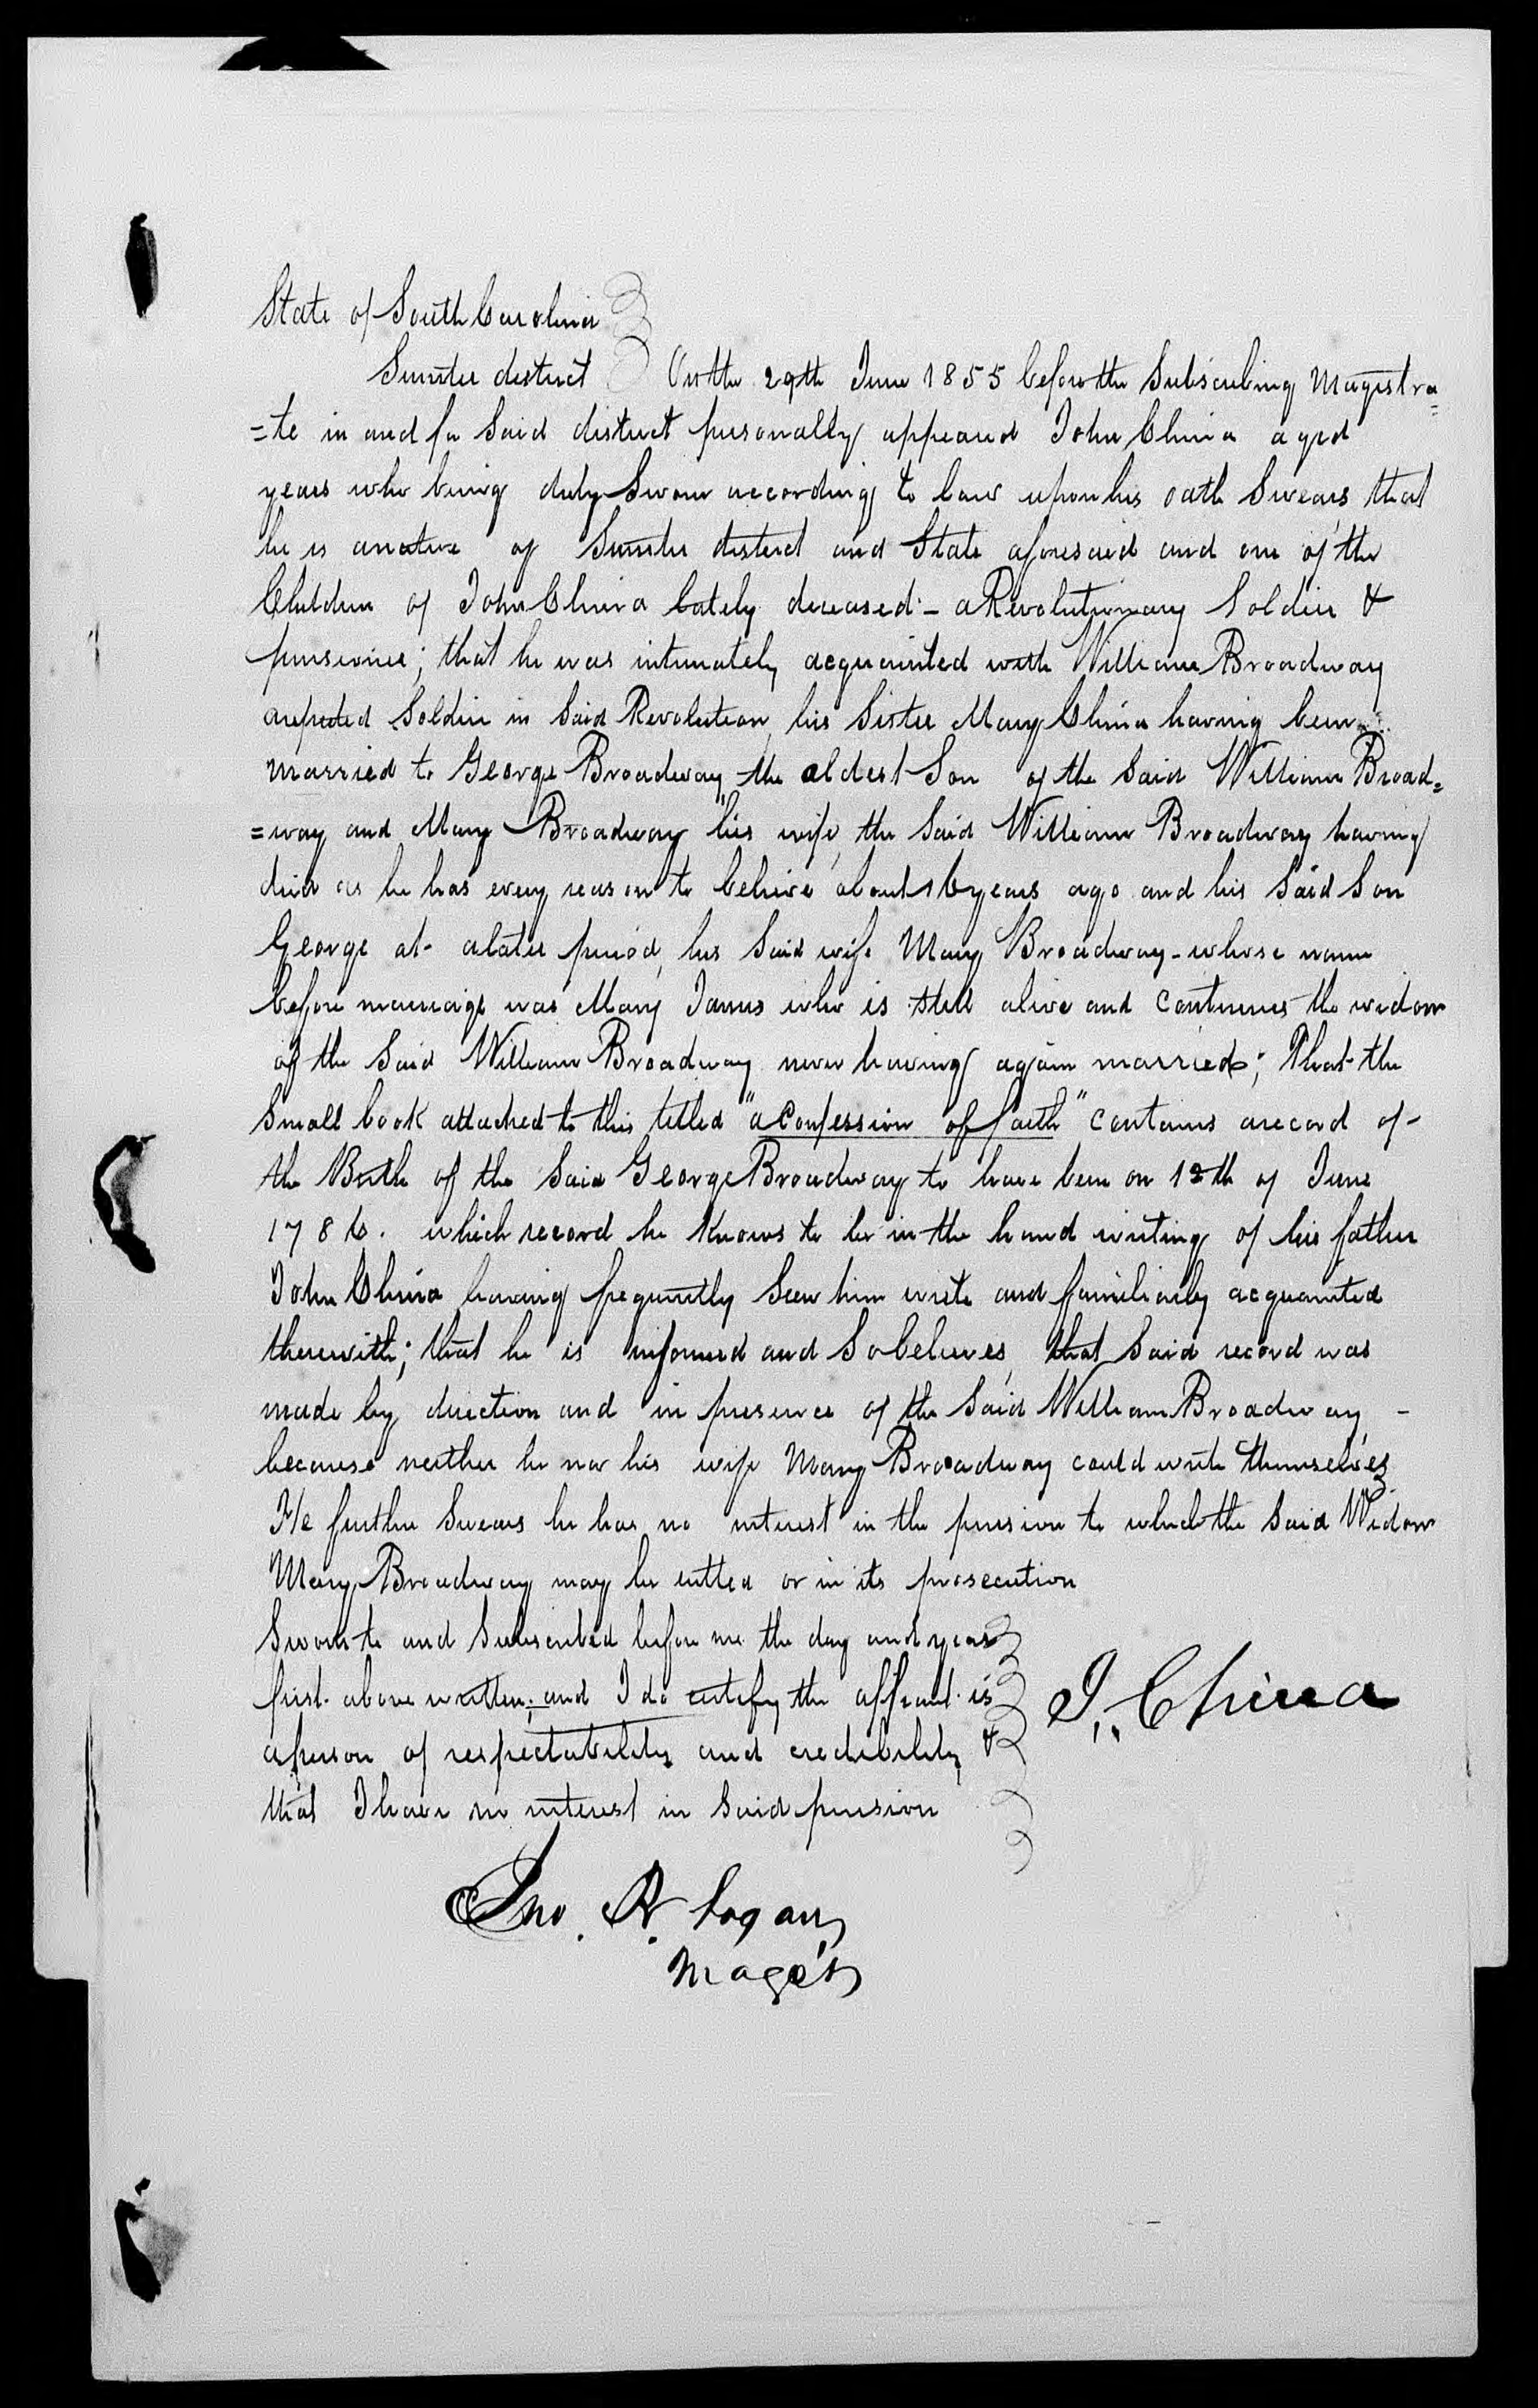State of South Carolina}
Sumter district} On the 29th June 1855 before the Subscribing Magistrate in and for Said district personally appeared John China aged years who being duly Sworn according to law upon his oath Swears that he is a native of Sumter district and State aforesaid and one of the Children of John China lately deceased - a Revolutionary Soldier + pensioner; that he was intimately acquainted with William Broadway a reputed Soldier in Said Revolution, his Sister Mary China having been married to George Broadway the oldest Son of the Said William Broadway and Mary Broadway his wife, the Said William Broadway having died as he has every reason to believe about 16 years ago and his Said Son George at a later period, his Said wife Mary Broadway - whose name before marriage was Mary James who is still alive and continues the widow of the Said William Broadway never having again married; That the Small book attached to this titled "A confession of faith" contains a record of the Birth of the Said George Broadway to have been on 12th of June 1786. which record he knows to be in the hand writing of his father John China having frequently Saw him write and familiarly acquainted therewith; that he is informed and So believes, that Said record was made by direction and in presence of the Said William Broadway - because neither he nor his wife Mary Broadway could write themselves. He further Swears he has no interest in the pension to which the Said Widow Mary Broadway may be entitled or in its prosecution
J China
Sworn to and Subscribed before me the day and year first above written; and I do certify that affiant is a person of respectability and credibility + that I have no interest in Said pension
Jno R Logan
Magst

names: J China, William Broadway, Mary Broadway, George, George Broadway, Mary China, George Broadway, Mary Broadway, William Broadway, Mary Broadway, John China, Jno R Logan, William Broadway, Mary James, John China, William Broadway, William Broadway, John China, Mary Broadway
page: 94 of 98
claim: widow's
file: W. 8398, William Broadway, S.C.